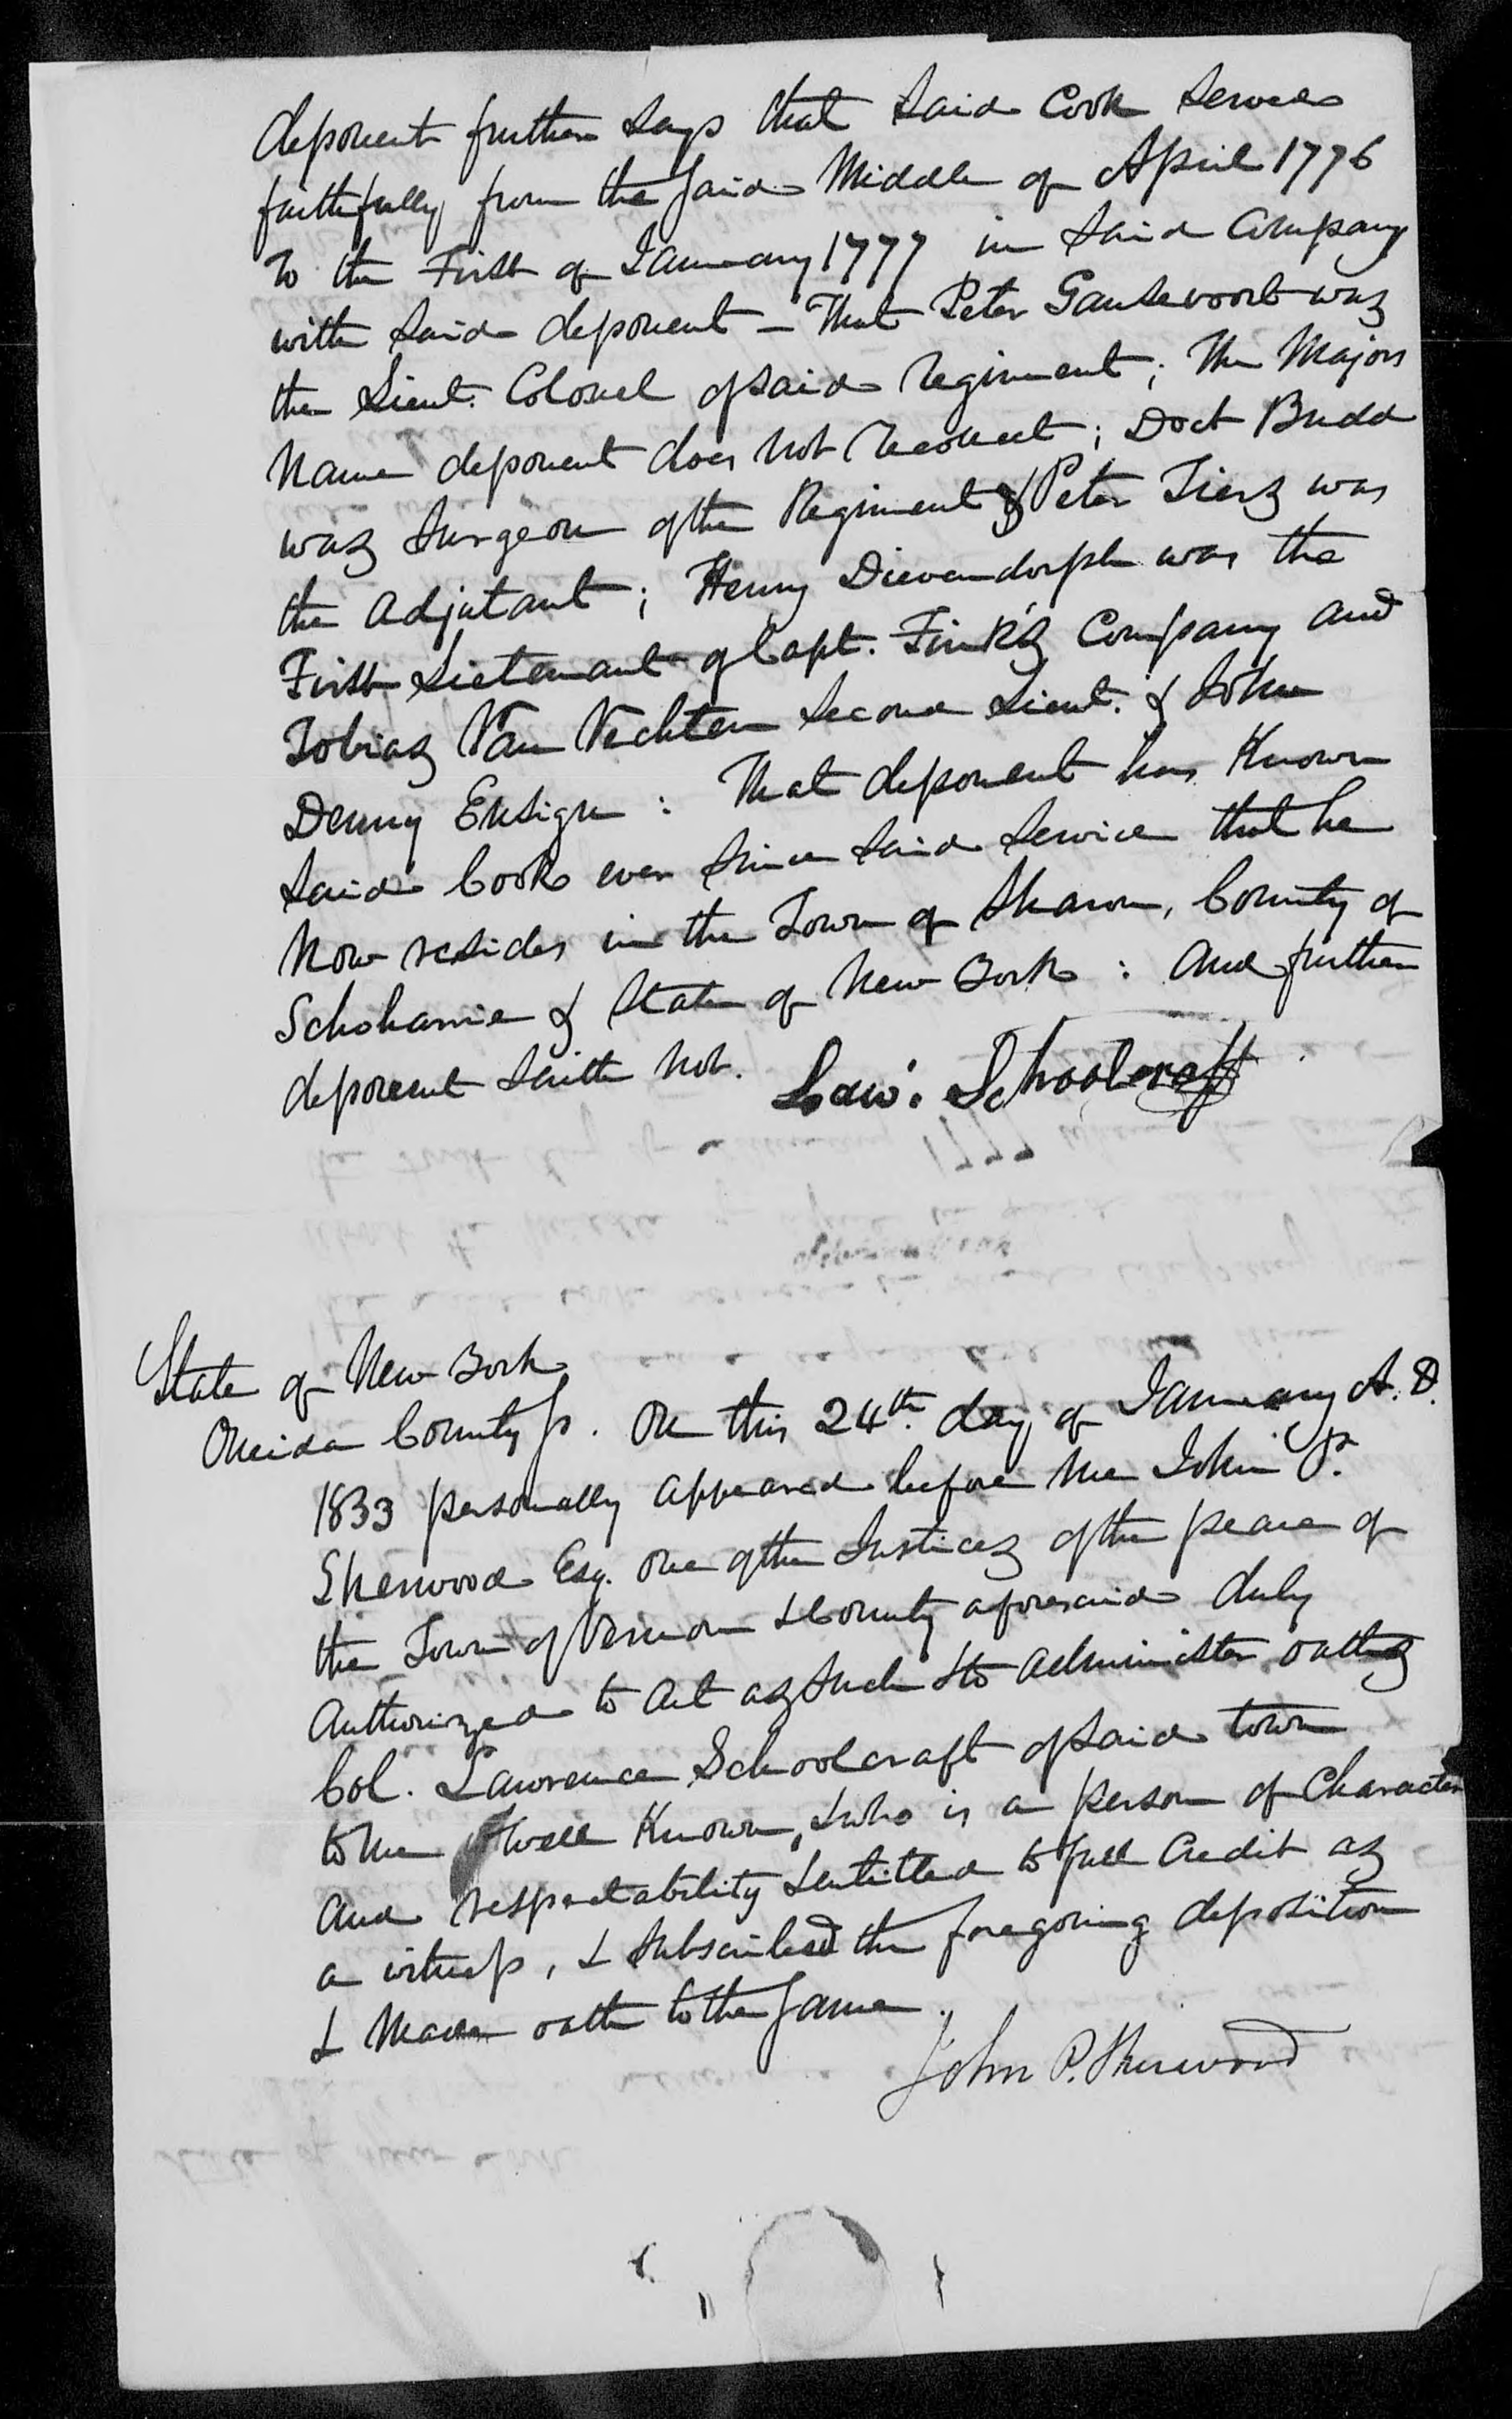deponent further says that said Cook served faithfully from the said Middle of April 1776 to the First of January 1777 in said Company with said deponent - 

That Peter Gansevoort was the Lieut Colonel of said regiment; the Majors named deponent does not recollect; Doct Budd was Surgeon of the Regiment & Peter Tiers was the Adjutant;
Henry Dievendorph was the First Lieutenant of Capt. Fink's Company and Tobias Van Vechten Second Lieut & John Denny Ensign:

That deponent has known said Cook ever since said service that he now resides in the Town of Sharon, County of Schoharie & State of New York: And further deponent saith not.
Law: Schoolcraft

State of New York
Oneida County ss. 

On this 24th day of January A.D. 1833 personally appeared before me John P. Sherwood Esq. one of the Justices of the peace of the Town of Vernon & county aforesaid duly Authorized to act as such to administer oaths
Col. Lawrence Schoolcraft of said town to me well known, who is a person of character
and respectability entitled to full credit as
a intress, & subscribed the foregoing deposition & made oath to the same.

John P. Sherwood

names: John P Sherwood, Henry Dievendorph, Peter Gansevoort, Tobias Van Vechten, Cook, Cook, Lawrence Schoolcraft, Lawi Schoolcroft, Peter Tiers, John P Sherwood, John Denny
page: 44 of 51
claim: survivor's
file: S. 12563, Severinus Cook, New York